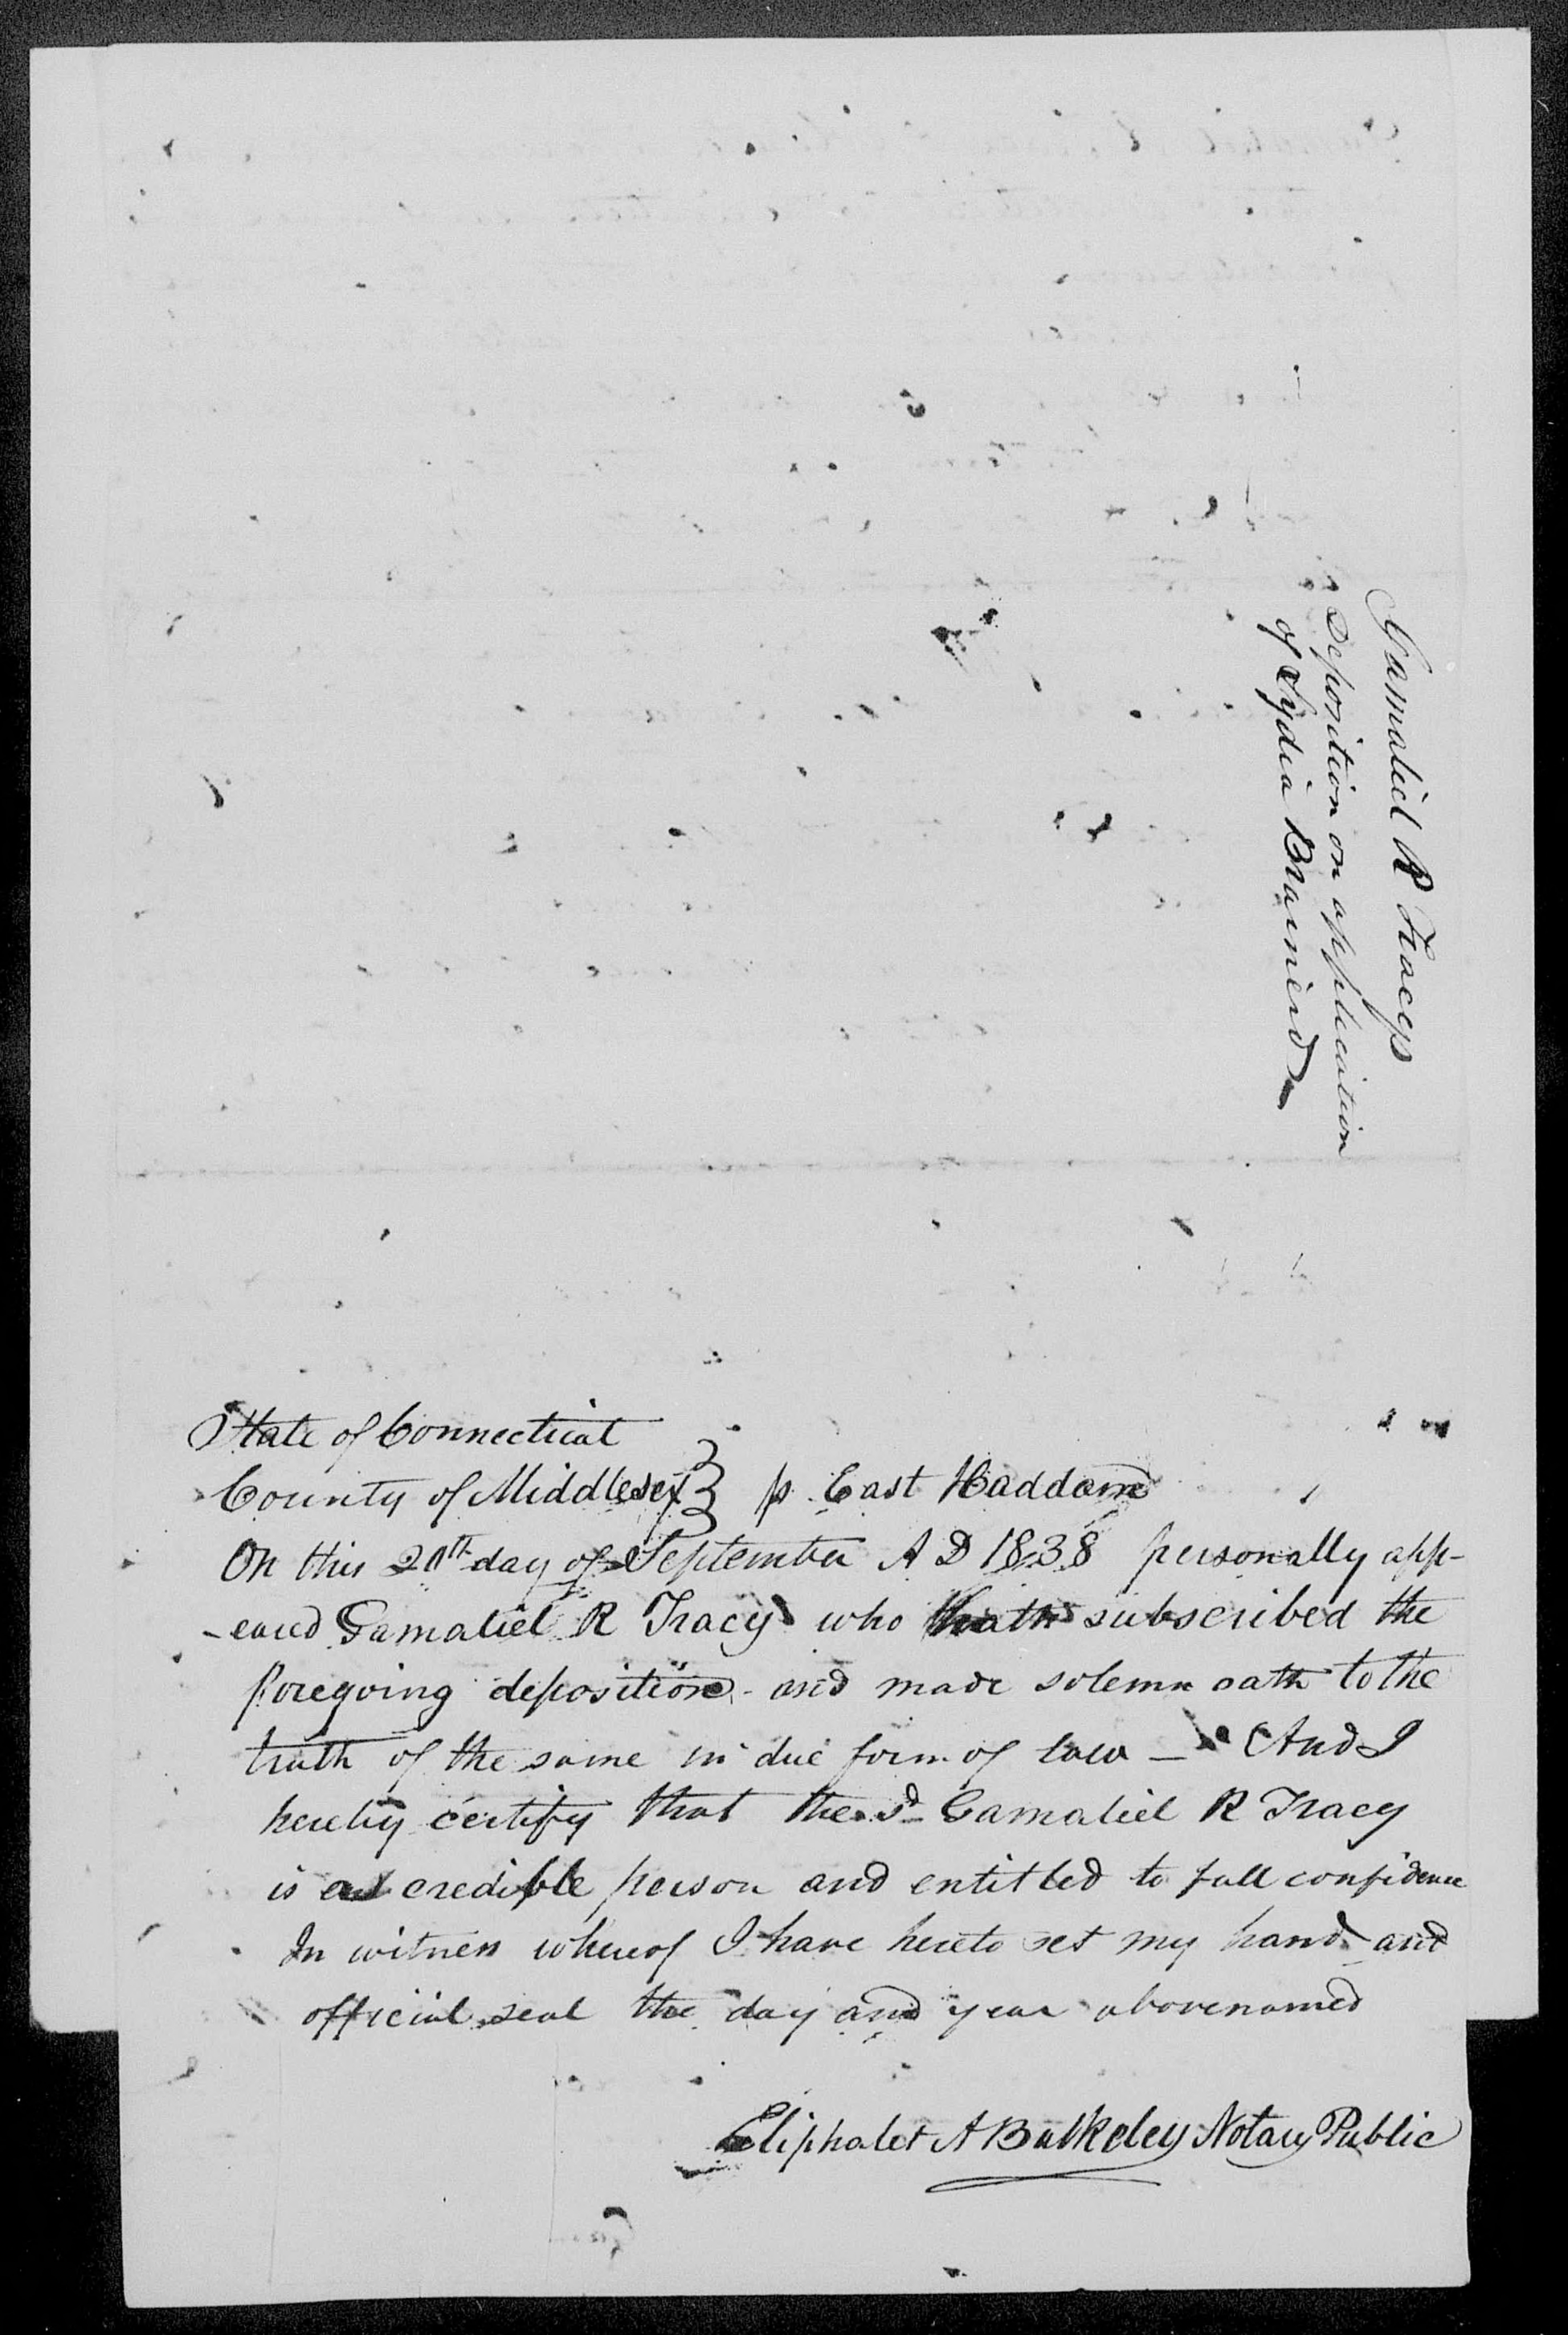Gamaliel R Tracy
Deposition on application of Lydia Brainerd

State of Connecticut}
County of Middlesex} SS  East Haddam
On this 20th day of September AD 1838 personally appeared Gamaliel R Tracy who hath subscribed the foregoing deposition and made solemn oath to the truth of the same in due form of law - And I hereby certify that the s'd Gamaliel R Tracy is a credible person and entitled to full confidence. In witness whereof I have hereto set my hand and official seal the day and year above named
[signature] Eliphalet A Bulkeley Notary Public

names: Eliphalet A Bulkeley, Gamaliel R Tracy, Gamaliel R Tracy, Gamaliel R Tracy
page: 25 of 25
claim: widow's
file: W. 23,671, Bezaleel Brainard, Conn.